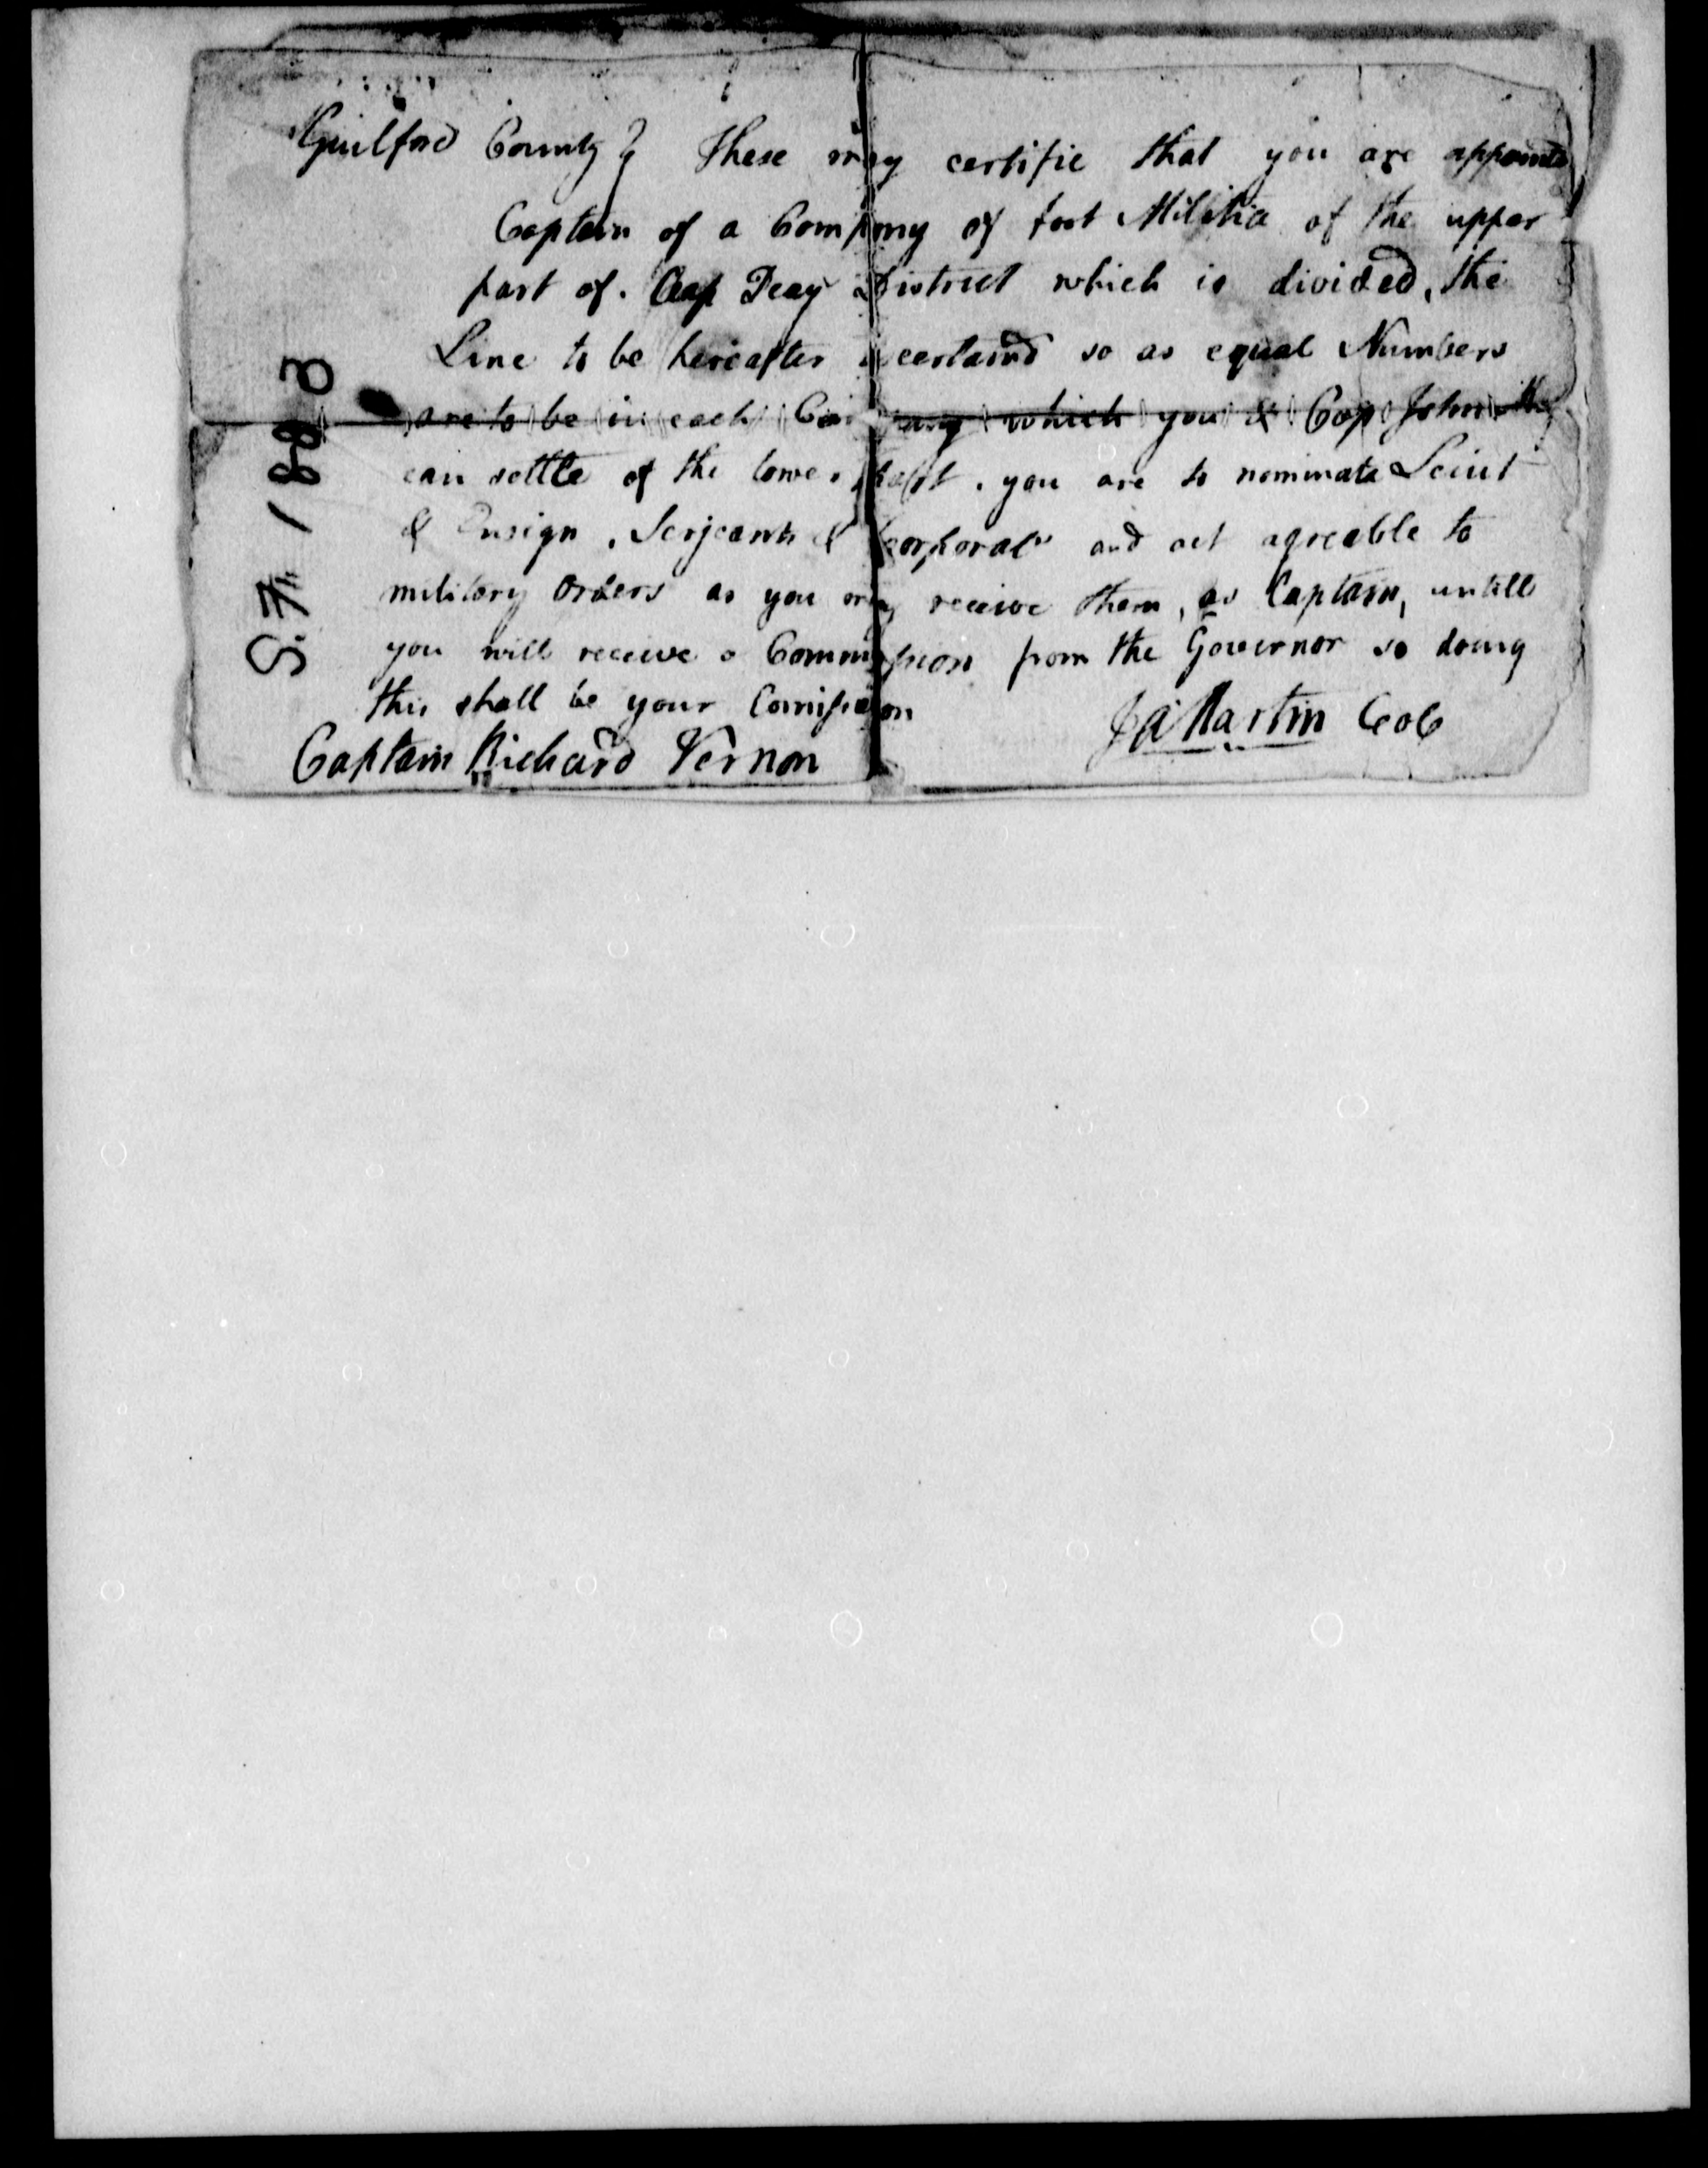Guilford County} These may certifie [sic] that you are appointed Captain of a Company of foot Militia of the upper part of Capt. Peay's District which is divided, the Line to be hereafter ascertained so as equal Numbers are to be in each Company which you & Capt. John Leek can settle of the lower part, you are to nominate Lieut. & Ensign, Serjeant [sic] & Corporal and act agreable to military orders as you may receive them, as Captain, untill [sic] you will receive a Commission from the Governor so doing this shall be your Comission [sic]. 
Captain Richard Vernon   
J. A. Martin, CoC 
S.F. 1883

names: Richard Vernon, John M, Ja Martin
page: 28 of 105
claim: survivor's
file: S. 1883, Richard Vernon, N.C.